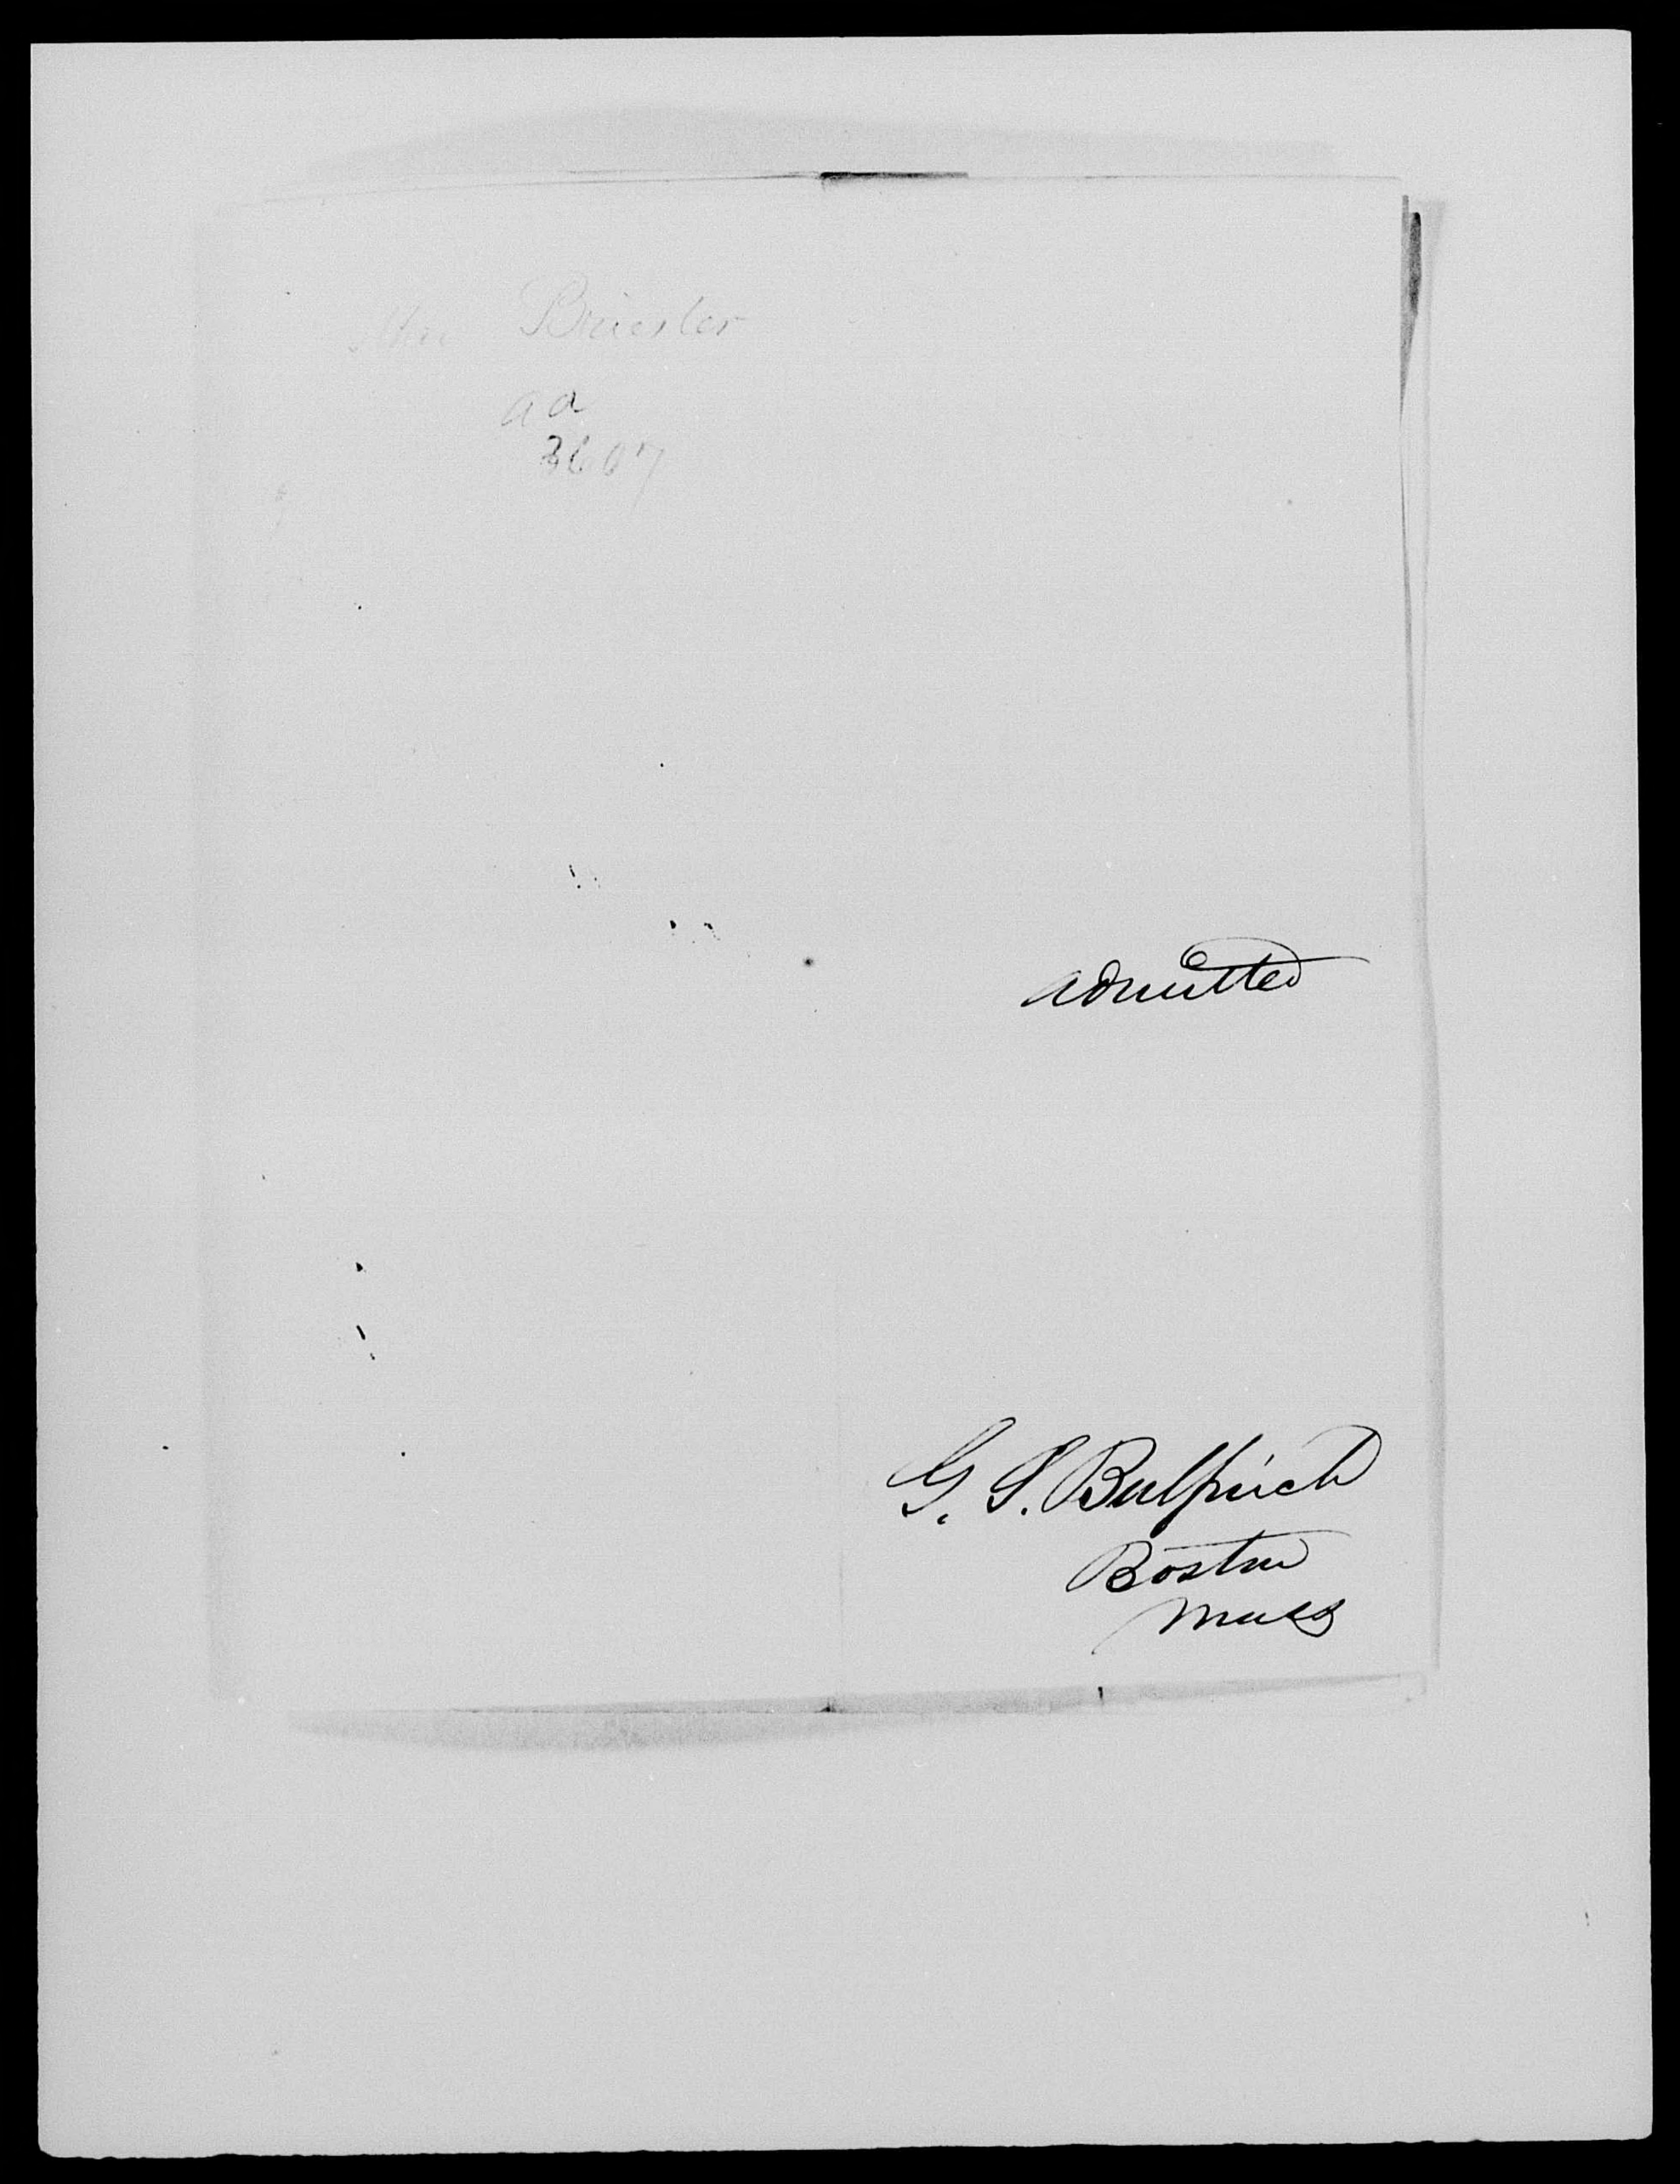admitted
G.S. Bulfinch Boston Mass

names: John Briesler, G S Bulfinch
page: 41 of 46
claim: widow's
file: W. 23,673, John Brisler, Mass.